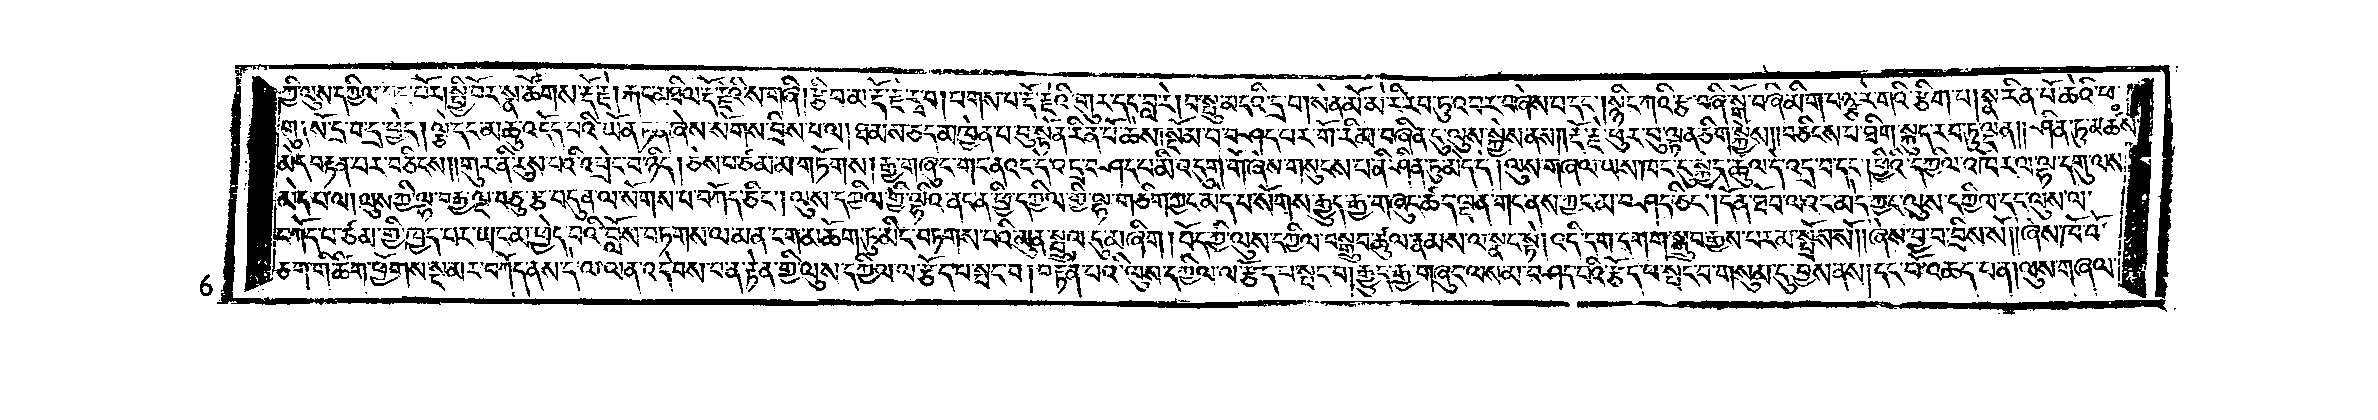ཀྱི་ལུས་དཀྱིལ་མང་པོར། སྤྱི་བོར་སྣ་ཚོགས་རྡོ་རྗེ། རྐང་མཐིལ་རྡོ་རྗེའི་ས་གཞི། རྩིབ་མ་རྡོ་རྗེ་རྭ་བ། པགས་པ་རྡོ་རྗེའི་གུར་དང་བླ་རེ། བ་སྦུ་མངའི་དྲ་བ། སེན་མོ་རི་རབ་ཏུ་འབར་བ་ཞེས་པ་དང་། སྙིང་ཀའི་རྩ་བཞི་སྒོ་བཞི་མིག་པྙྲྩ་རེ་གའི་རྩིག་པ། སྣ་རིན་པོ་ཆེའི་ཕ་
གུ། སོ་དྲ་བ་དྲ་ཕྱེད། ལྕེ་དང་མཆུ་འདོད་པའི་ཡོན་ཏན་ཞེས་སོགས་བྲིས་པ་ལ། ཐམས་ཅད་མཁྱེན་པ་བུ་སྟོན་རིན་པོ་ཆེས། སྡོམ་པ་བཤད་པར་གོ་རིམ་བཞིན་དུ་ལུས་སྐྱེས་ནས། །རྡོ་རྗེ་ཕུར་བུ་ལྷན་ཅིག་སྐྱེས། །བཅིངས་པ་ཐིག་སྐུད་རབ་ཏུ་ལྡན། །ཤིན་ཏུ་མཚམས་
མེད་བརྟན་པར་བཅིངས། །གུར་ནི་རུས་པའི་འཕྲེང་བ་ཉིད། ཅེས་པ་ཙམ་མ་གཏོགས། རྒྱ་གཞུང་གང་ནའང་དེ་འདྲ་བཤད་པ་མི་འདུག་གོ་ཞེས་གསུངས་པ་ནི་ཤིན་ཏུ་མེད་དེ། ལུས་གཞལ་ཡས་ཁང་དུ་སྐྱེད་ཚུལ་དེ་འདྲ་བ་དང་། ཕྱིའི་དཀྱིལ་འཁོར་ལ་ལྷ་དགུ་ལས་
མེད་པ་ལ། ལུས་ཀྱི་ལྷ་བརྒྱ་ལྔ་བཅུ་རྩ་བདུན་ལ་སོགས་པ་བཀོད་ཅིང་། ལུས་དཀྱིལ་གྱི་ལྷའི་ནང་ན་ཕྱི་དཀྱིལ་གྱི་ལྷ་གཅིག་ཀྱང་མེད་པ་སོགས་རྒྱུད་རྒྱ་གཞུང་ཚད་ལྡན་གང་ནས་ཀྱང་མ་བཤད་ཅིང་། དོན་ཐོབ་ལའང་མེད་ཀྱང་ལུས་དཀྱིལ་དང་ལུས་ལ་
བཀོད་པ་ཙམ་གྱི་ཁྱད་པར་ཡང་མ་ཕྱེད་བའི་བློས་བཏགས་ལ་མན་ངག་མཆོག་ཏུ་མིང་བཏགས་པའི་མུན་སྤྲུལ་དུ་མ་ཞིག། བོད་ཀྱི་ལུས་དཀྱིལ་བསྒྲུབ་ཚུལ་རྣམས་ལ་སྣང་སྟེ། འདི་དག་དགག་སྒྲུབ་རྒྱས་པར་མ་སྤྲོས་སོ། །ཞེས་བྱ་བ་བྲིས་སོ། །ཞེས་ཁོ་བོ་
ཅག་གི་ཚིག་ཕྱོགས་སྔ་མར་བཀོད་ནས་དེ་ལ་ལན་འདེབས་པ་ན་རྟེན་གྱི་ལུས་དཀྱིལ་ལ་རྩོད་པ་སྤང་བ། བརྟེན་པའི་ལུས་དཀྱིལ་ལ་རྩོད་པ་སྤང་བ། རྒྱུད་རྒྱ་གཞུང་ལས་མ་བཤད་པའི་རྩོད་པ་སྤོང་བ་གསུམ་དུ་བྱས་ནས། དད་པོ་འཆད་པ་ན། ལུས་གཞལ་